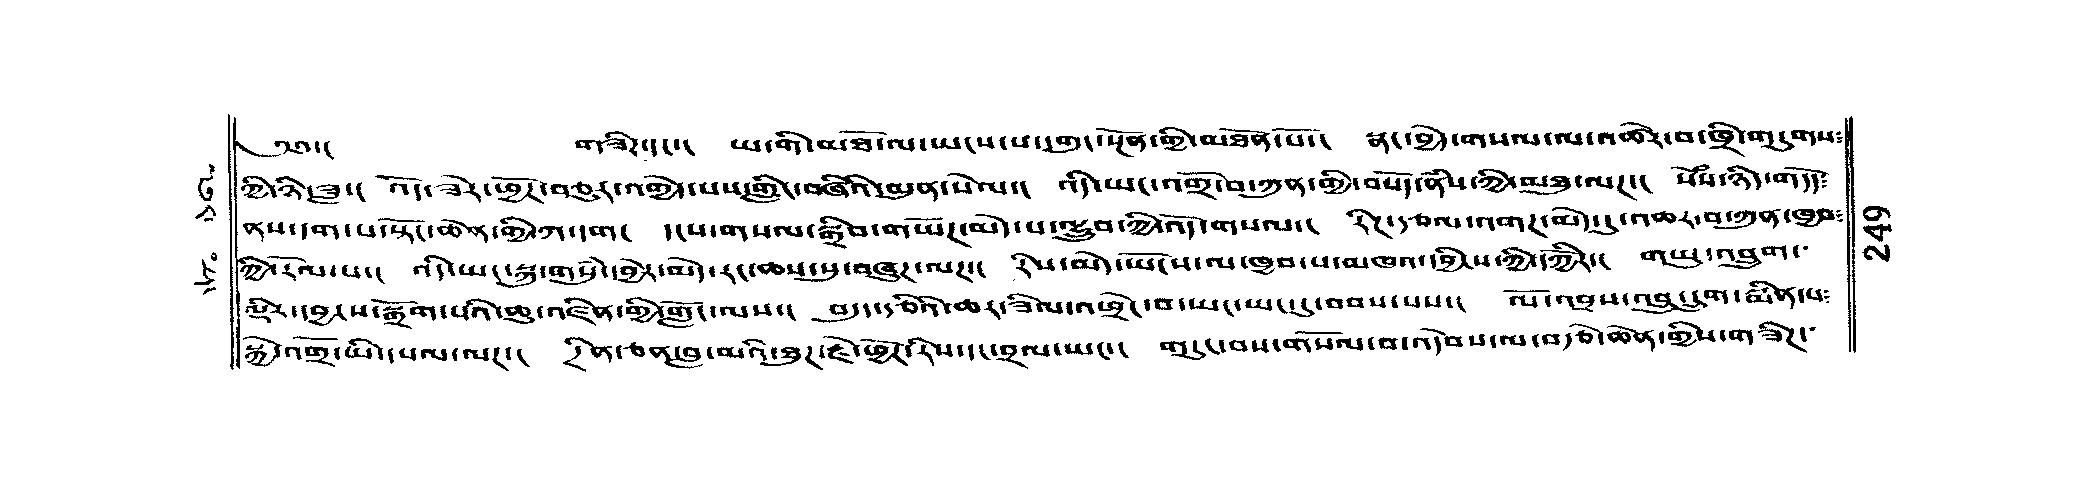གཟིགས་དང་། །ཡ་གི་མཐོ་ལ་ཡངས་པ་དགུང་སྔོན་གྱི་མཐོན་པོ། །སྣང་བྱེད་གསལ་ལ་འཚེར་བ་ཁྲི་གདུགས་
ཀྱི་ཉི་ཟླ། །འོད་ཟེར་ཕྱོགས་བཅུར་འགྱེད་པས་གླིང་བཞིའི་མུན་སེལ། །འདི་ཡང་འགྲོ་བ་ཀུན་གྱི་བསོད་ནམས་ཀྱི་མཐུ་ལགས། །སེམས་ཉིད་གདོད་
ནས་དག་པ་སྟོང་ཆེན་གྱི་ཀ་དག །དྭངས་གསལ་སྒྲིབ་གཡོགས་མེད་པ་ལྷུན་གྲུབ་ཀྱི་འོད་གསལ། །རིག་རྩལ་འགགས་མེདདུ་འཆར་བ་ཀུན་ཁྱབ་
ཀྱི་རོལ་པ། །འདི་ཡང་སྐུ་གསུམ་དབྱེར་མེད་རང་ཆས་སུ་བཞུགས་ལགས། །རིས་མེད་ཡོངས་ལ་ཁྱབ་པ་མཁའ་དབྱིངས་ཀྱི་དཀྱིལ་འཁོར། །གཡུ་འབྲུག་
ལྡིར་དབྱངས་སྒྲོག་པའི་ཆུ་འཛིན་གྱི་ཀློང་ལས། །བདུད་རྩིའི་ཆར་ཟིལ་འཕྲེང་བ་ཡང་ཡང་དུ་བབས་པས། །ལོ་འབྲས་འབྲུ་དྲུག་སྨིན་པ་
སྐྱེ་འགྲོ་ཡི་དཔལ་ལགས། །དྲིན་ཅན་བླ་མའི་ཐུགས་རྗེ་ཕྱོགས་རིས་དང་བྲལ་ཡང་། །གདུང་བས་གསོལ་འདེབས་ལ་བརྩེ་ཆེན་གྱིས་གཟིགས་